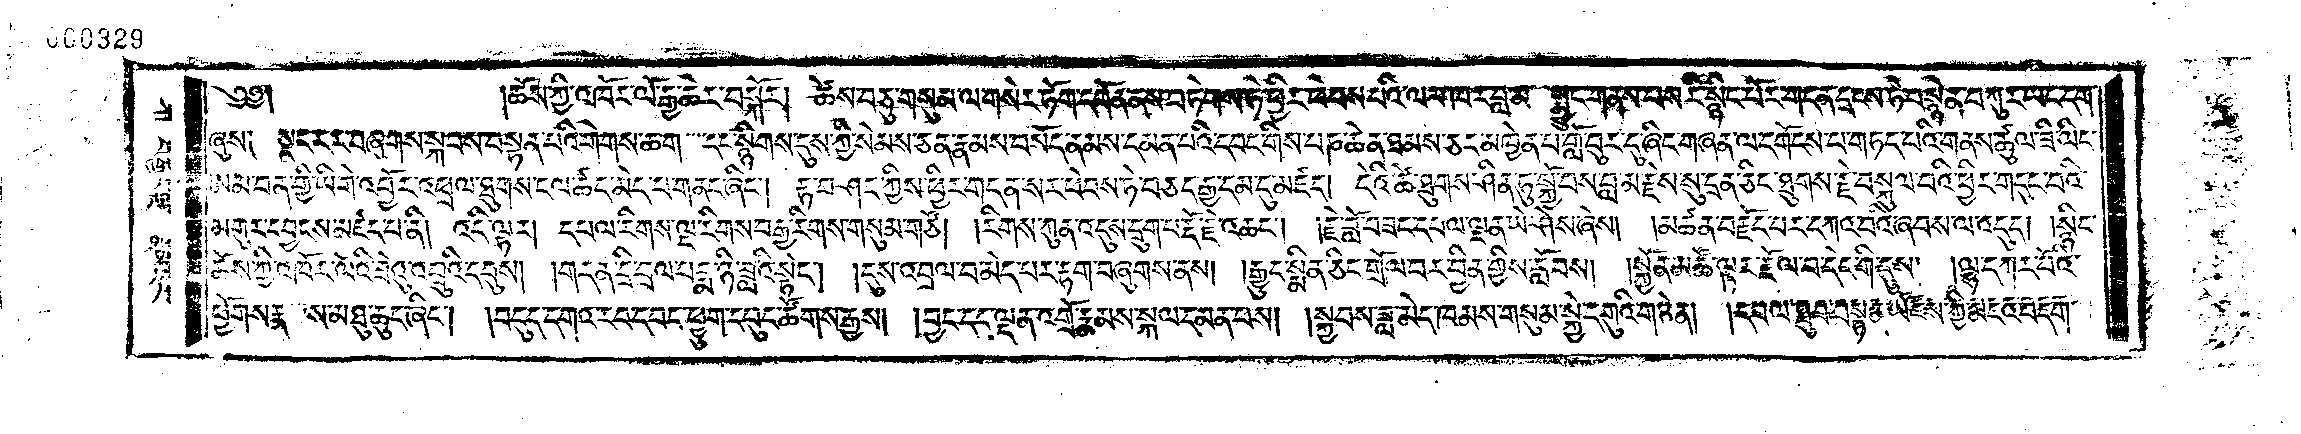༄༅། །ཆོས་ཀྱི་འཁོར་ལོ་རྒྱ་ཆེར་བསྐོར། ཚེས་བཅུ་གསུམ་ལ་གསེར་ཏོག་དགོན་ནས་བཏེགས་ཏེ་ཕྱིར་ཕེབས་པའི་ལམ་ཁར་བླ་མ་སྨྱང་གནས་པས་རི་སྙིང་པོར་གདན་དྲངས་ཏེ་བསྙེན་བཀུར་ཡང་དག་
ཞུས༑ སྣང་རང་བཞུགས་སྐབས་བསྟན་པའི་གེགས་ཆག་དང་སྙིགས་དུས་ཀྱི་སེམས་ཅན་རྣམས་བསོད་ནམས་དམན་པའི་དབང་གིས་པཎ་ཆེན་ཐམས་ཅད་མཁྱེན་པ་གློ་བུར་དུ་ཞིང་གཞན་ལ་དགོངས་པ་གཏད་བའི་གནས་ཚུལ་ཟི་ལིང་
ཨམ་བན་གྱི་ཡི་གེ་འབྱོར་འཕྲལ་ཐུགས་ངལ་ཚད་མེད་པ་གནང་ཞིང་། རྟ་བཤད་ཀྱིས་ཕྱིར་གདན་སར་ཕེབས་ཏེ་བཅད་རྒྱ་དམ་དུ་མཛད། དེའི་ཚེ་ཐུགས་ཤིན་ཏུ་སྐྱོ་བས་བླ་མ་རྗེས་སུ་དྲན་ཅིང་ཐུགས་རྗེ་བསྐུལ་བའི་ཕྱིར་གདུང་བའི་
མགུར་དབྱངས་མཛད་པ་ནི། འདི་ལྟར། དཔལ་རིགས་ལྔ་རིགས་བརྒྱ་རིགས་གསུམ་གཙོ། །རིགས་ཀུན་འདུས་དྲུག་པ་རྡོ་རྗེ་འཆང་། །རྗེ་བློ་བཟང་དཔལ་ལྡན་ཡེ་ཤེས་ཞེས། །མཚན་བརྗོད་པར་དཀའ་བའི་ཞབས་ལ་འདུད། །སྙིང་
ཆོས་ཀྱི་འཁོར་ལོའི་ཟེའུ་འབྲུའི་དབུས། །གདན་དྲི་བྲལ་པདམ་ཉི་ཟླའི་སྟེང་། །དུས་འབྲལ་བ་མེད་པར་རྟག་བཞུགས་ནས། །རྒྱུད་སྨིན་ཅིང་གྲོལ་བར་བྱིན་གྱིས་རློབས། །སྐྱོན་མཚོ་ལྟར་རྔོལ?་བ་དེང་གི་དུས། །ལྷ་དཀར་པོའི་
ཕྱོགས་རྣམས་མཐུ་ཆུང་ཞིང་། །བདུད་དགའ་རབ་དབང་ཕྱག་དཔུང་ཚོགས་རྒྱས། །བྱང་དང་ལྡན་འགྲོ་རྣམས་སྐལ་དམན་པས། །སྐྱབས་ཟླ་མེད་ཁམས་གསུམ་སྐྱེ་དགུའི་གཉེན། །དཔལ་ཐུབ་བསྟན་ཡོངས་ཀྱི་མངའ་བདག་